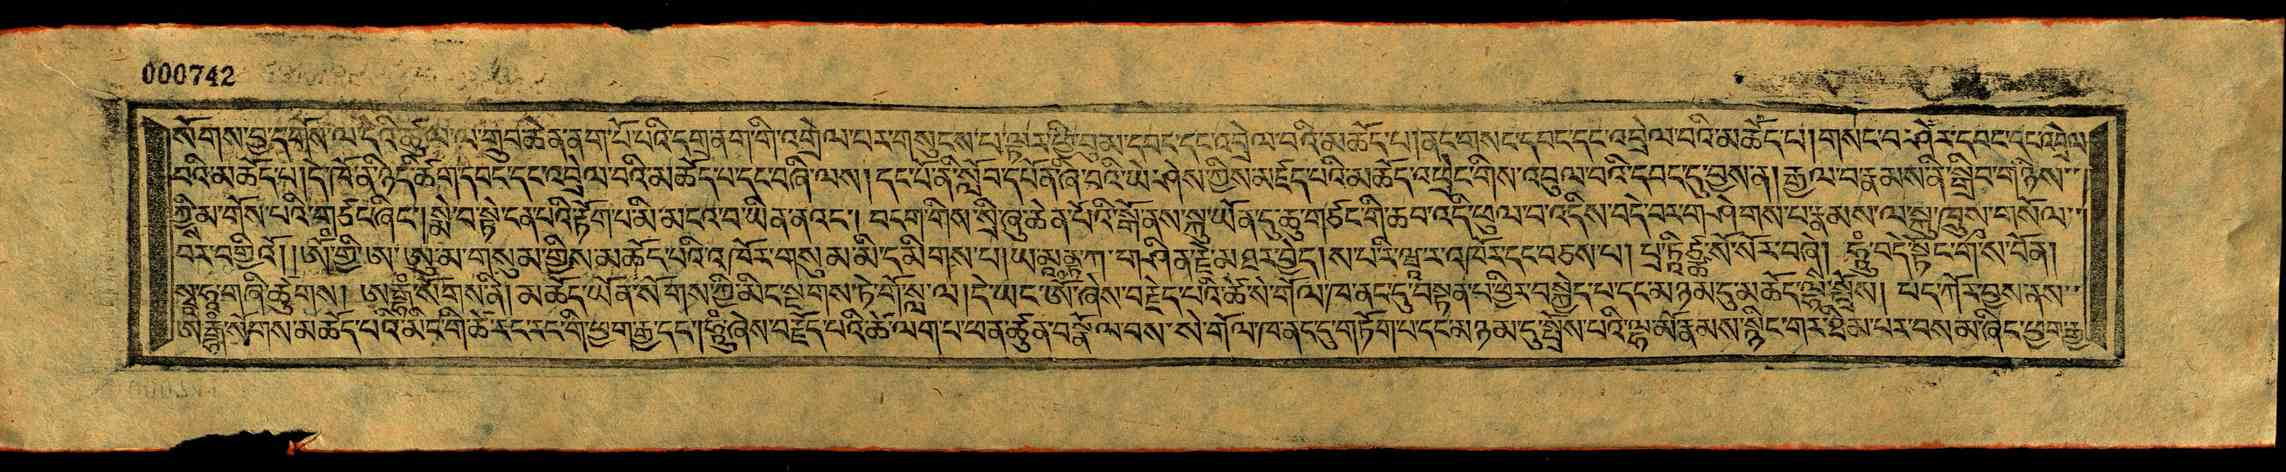སོགས་བྱ་དགོས་ལ། དེའི་ཚུལ་ལ་གྲུབ་ཆེན་ནག་པོ་པའི་དགྲ་ནག་གི་འགྲེལ་པར་གསུངས་པ་ལྟར་ཕྱི་བུམ་དབང་དང་འབྲེལ་བའི་མཆོད་པ། ནང་གསང་དབང་དང་འབྲེལ་བའི་མཆོད་པ། གསང་བ་ཤེར་དབང་དང་འབྲེལ་
བའི་མཆོད་པ། དེ་ཁོ་ན་ཉིད་ཚིག་དབང་དང་འབྲེལ་བའི་མཆོད་པ་དང་བཞི་ལས། དང་པོ་ནི་སློབ་དཔོན་ཞི་བའི་ཡེ་ཤེས་ཀྱིས་མཛད་པའི་མཆོད་འཕྲེང་གིས་འབུལ་བའི་དབང་དུ་བྱས་ན། རྒྱལ་བ་རྣམས་ནི་སྒྲིབ་གཉིས་
ཀྱིས་མ་གོས་པའི་གཙང་ཞིང་། སྨེ་བ་སྟེ་ངན་པའི་རྟོག་པ་མི་མངའ་བ་ཡིན་ནའང་། བདག་གིས་སྲི་ཞུ་ཆེན་པོའི་སྒོ་ནས་སྐུ་ཡོན་དུ་ཆུ་གཙང་གི་ཆབ་འདི་ཕུལ་བ་འདིས་བདེ་བར་གཤེགས་པ་རྣམས་ལ་སྐུ་ཁྲུས་གསོལ་
བར་བགྱིའོ། །ཨོཾ་གྱི་ཨ་ཨུ་མ་གསུམ་གྱིས་མཆོད་པའི་འཁོར་གསུམ་མི་དམིགས་པ། ཡ་མཱནྟ་ཀ་གཤིན་རྗེ་མཐར་བྱེད། ས་པ་རི་ཝཱ་ར་འཁོར་དང་བཅས་པ། པྲ་ཏཱི་ཙྪ་སོ་སོར་བཞེས། ཧཱུཾ་བདེ་སྟོང་གི་ས་བོན།
སྭཱཧཱ་གཞི་ཚུགས། ཨརྒྷཾ་སོགས་ནི། མཆོད་ཡོན་སོགས་ཀྱི་མིང་སྔགས་ཏེ་གོ་སླ་ལ། དེ་ཡང་ཨོཾ་ཞེས་བརྗོད་པའི་ཚེ་སེ་གོལ་ཁ་ནང་དུ་བསྟན་པ་ཕྱིར་བསྐྱེད་པ་དང་མཉམ་དུ་མཆོད་ལྷ་སྤྲོས། པད་ཀོར་བྱས་ནས་
ཨརྒྷཾ་སོགས་མཆོད་པའི་མིང་གི་ཚེ་རང་རང་གི་ཕྱག་རྒྱ་དང་། ཧཱུཾ་ཞེས་བརྗོད་པའི་ཚེ་ལག་པ་ཕན་ཚུན་བསྣོལ་བས་སེ་གོལ་ཁ་ནང་དུ་གཏོག་པ་དང་མཉམ་དུ་སྤྲོས་པའི་ལྷ་མོ་རྣམས་སྙིང་གར་ཐིམ་པར་བསམ་ཞིང་ཕྱག་རྒྱ་